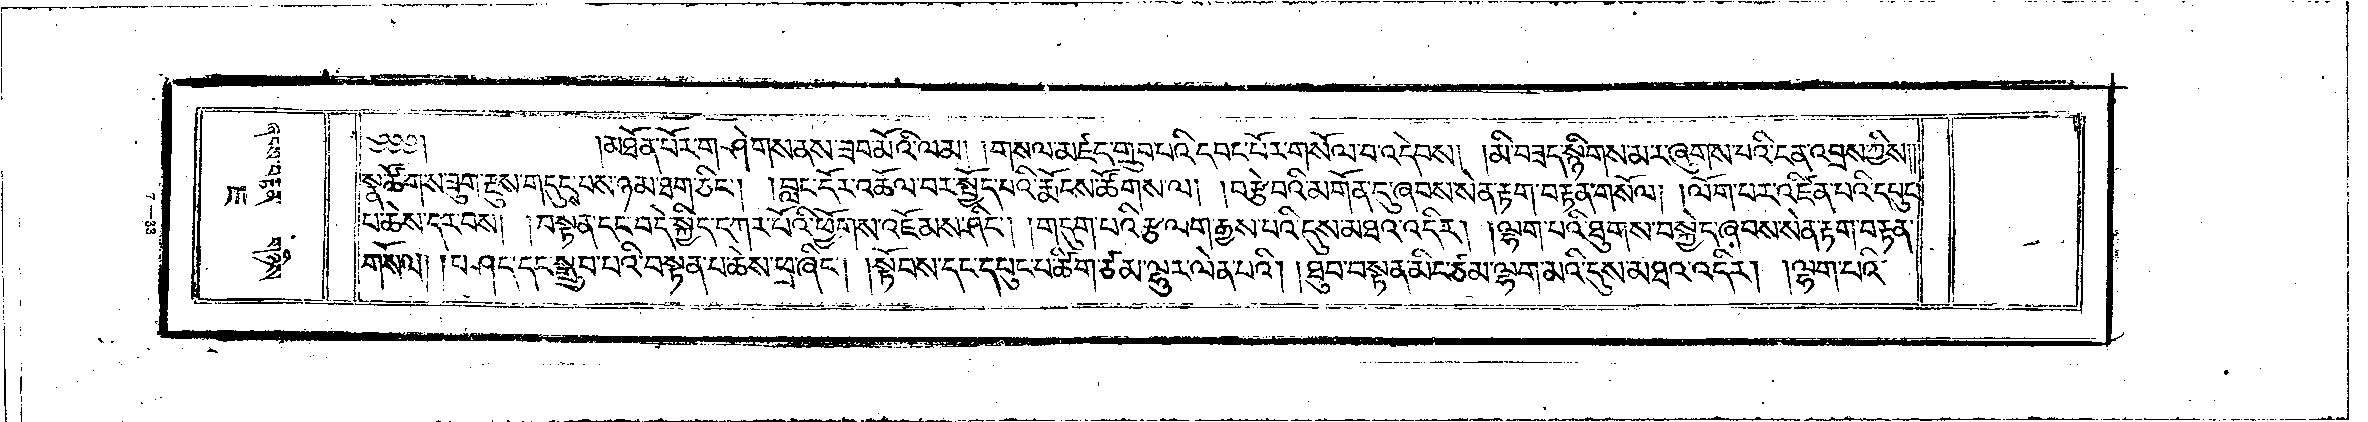༄༅༅། །མཐོན་པོར་གཤེགས་ནས་ཟབ་མོའི་ལམ། །གསལ་མཛད་གྲུབ་པའི་དབང་པོར་གསོལ་བ་འདེབས། །མི་བཟད་སྙིགས་མར་ཞུགས་པའི་ངན་འབྲས་ཀྱིས། །
སྣ་ཚོགས་ཟུག་རྔུས་གདུངས་པས་ཉམ་ཐག་ཅིང་། །བླང་དོར་འཆོལ་བར་སྤྱོད་པའི་རྨོངས་ཚོགས་ལ། །བརྩེ་བའི་མགོན་དུ་ཞབས་སེན་རྟག་བརྟན་གསོལ། །ལོག་པར་འཛིན་པའི་དཔུང་
པ་ཆེས་དར་བས། །བསྟན་དང་བདེ་སྐྱིད་དཀར་པོའི་ཕྱོགས་འཇོམས་ཤིང་། །གདུག་པའི་རྩ་ལག་རྒྱས་པའི་དུས་མཐའ་འདིར། །ལྷག་པའི་ཐུགས་བསྐྱེད་ཞབས་སེན་རྟག་བརྟན་
གསོལ༑ །བཤད་དང་སྒྲུབ་པའི་བསྟན་པ་ཆེས་ཕྲ་ཞིང་། །སྟོབས་དང་དཔུང་པ་ཚིག་ཙམ་ལྷུར་ལེན་པའི། །ཐུབ་བསྟན་མིང་ཙམ་ལྷག་མའི་དུས་མཐའ་འདིར། །ལྷག་པའི་